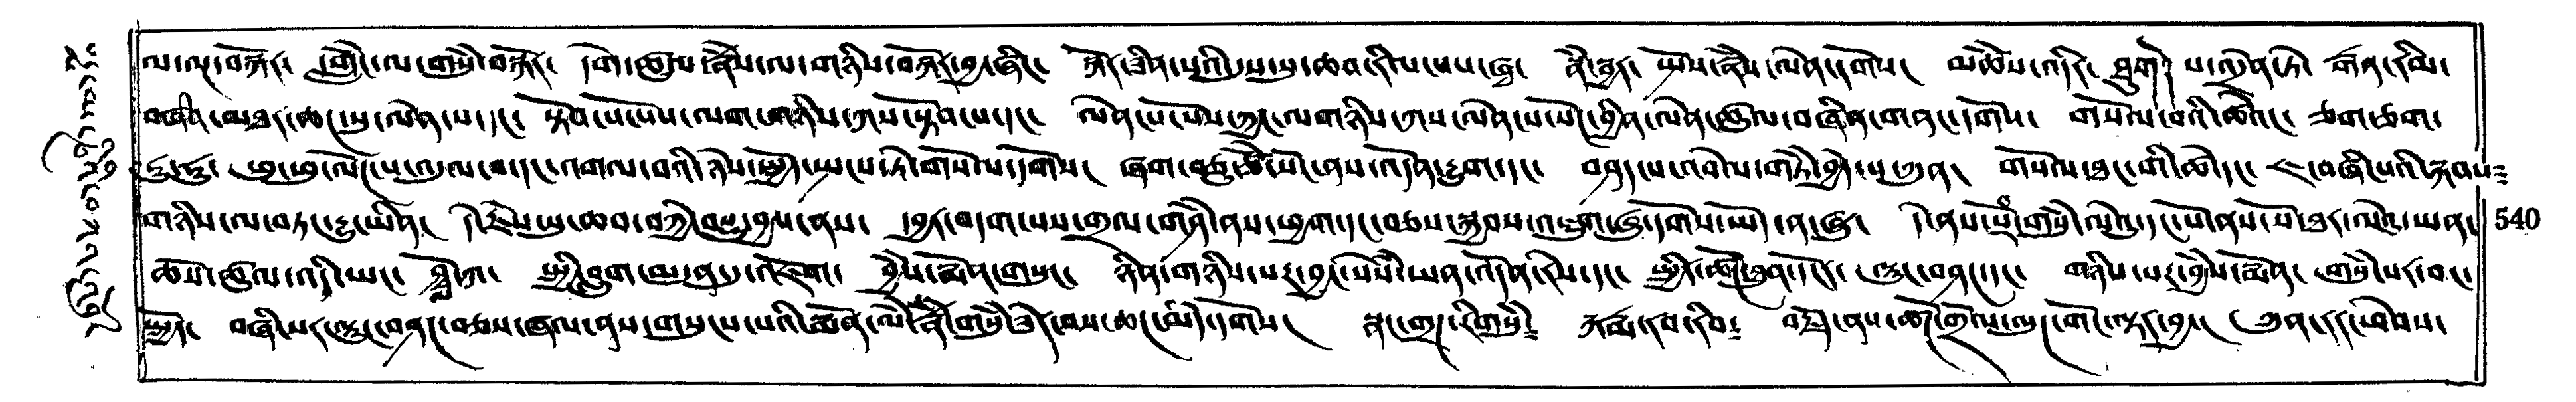ལ་ལྔ་བསྐོར། དགེ་སློང་ལ་གསུམ་བསྐོར། དགེ་ཚུལ་རྣམས་ལ་གཉིས་བསྐོར་བྱ་ཞིང་། སྐོར་ཟིན་པའི་དུས་སུ་ཆབ་རིལ་པས་ཞྭ། སྣམ་སྦྱར་སྤོས་རྣམས་ལེན་དགོས། མཚམས་འདིར་ཐུག་པ་འདྲེན་ཏེ། རྒན་རིམ་
བཞིན་མཐར་ཆགས་སུ་ལེན་པ་དང་། སྟོབ་པ་པོས་ལག་གཉིས་ཀས་སྟོབ་པ་དང་། ལེན་པ་པོས་ཀྱང་ལག་གཉིས་ཀས་ལེན་པ་སོགས་བྱིན་ལེན་ཚུལ་བཞིན་གནང་དགོས། གསོལ་བའི་ཚེ་འང་།ཅག་ཅག་
ཧུ་ཧུ། ཕུ་ཕུ་ལ་སོགས་པ་འདུལ་བ་དང་འགལ་བའི་ཉེས་སྤྱོད་སྤངས་ཏེ་གསོལ་དགོས། ཞག་ཅུ་ཙམ་སོང་ནས་འདོན་རྒྱུགས་དང་། བཤད་པ་འབེལ་གཏམ་བྱེད་པ་ཀུན། གསོལ་ཐང་གི་ཚེ་དང་། ཇ་བཞི་པའི་སྐབས་
གཉིས་ལ་བཏང་རྒྱུ་ཡིན། དེ་རྗེས་སུ་ཆབ་བཀྱེ་བསྡུ་བྱས་ནས། དབྱར་བདག་པས་གྲལ་གཤམ་ནས་ཕྱག་དང་བཅས་སྐྱབས་འཇུག་ཞུ་དགོས་ཡོད་ན་ཞུ། དེ་ནས་སྡོམ་གསུམ་ལེའུ་དང་པོ་ནས་སོ་ཐར་ལེའུ་ཡན། 
ཆོས་ཚུལ་འདི་ཡང༴ ཤོ་ལོ་ཀ སྤྱི་བླུག་མདུན་དུ་འཇོག བྱམས་སྨོན་གསུངས། ཉིན་གཉིས་པར་བྱང་སེམས་ཡན་འདོན་རེས་དང་། སྤྱིར་ཚོགས་ཐུན་དང་པོར། ལྟུང་བཤགས་དང་། གཉིས་པར་བྱམས་སྨོན། གསུམ་པར་བཟང་
སྤྱོད། བཞི་པར་ལྟུང་བཤགས་བཅས་ཞལ་ནས་གསུངས་པའི་སྨོན་ལམ་རྣམ་གསུམ་ཟེར་བས་ཆག་མེད་དགོས། སྣང་གྲགས་རིག་གསུམ༴ སྐར་མ་རབ་རིབ༴ བརྗོད་ནས་ཚོགས་གྲོལ་ལུགས་གོང་ལྟར་བྱ། ཀུན་རར་ཕེབས་